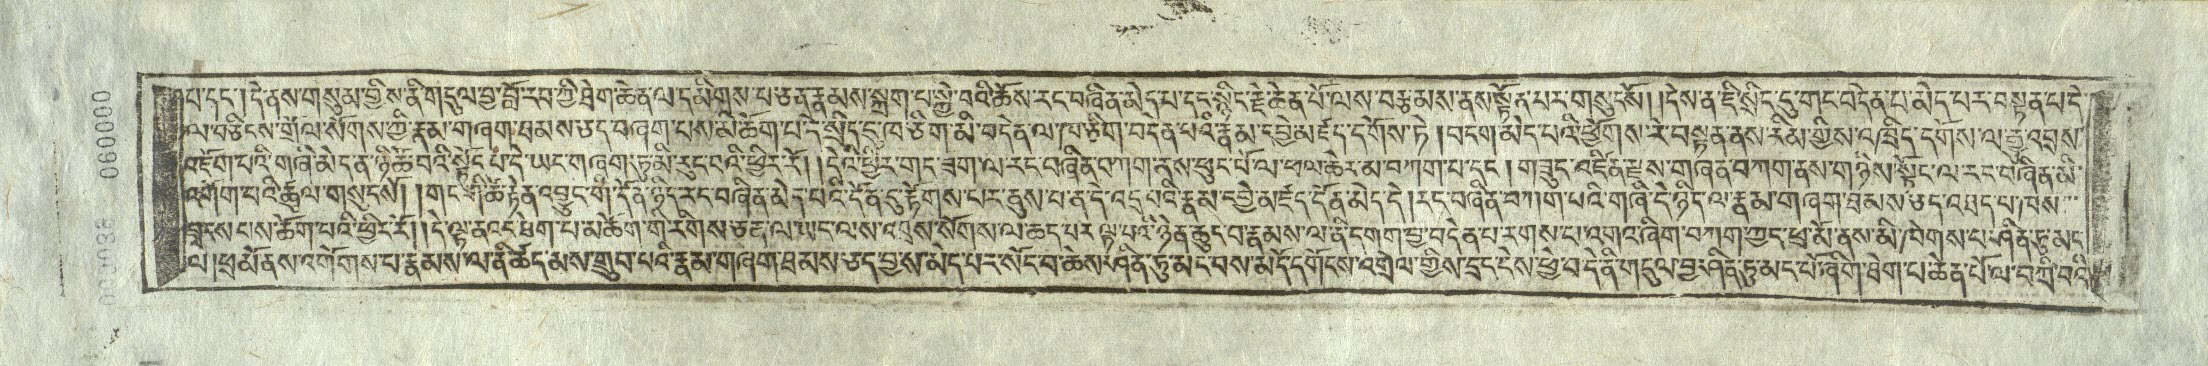པ་དང་། དེ་ནས་གསུམ་གྱིས་ནི་གདུལ་བྱ་བློ་རབ་ཀྱི་ཐེག་ཆེན་ལ་དམིགས་པ་ཅན་རྣམས་སྐྲག་པ་སྐྱེ་བའི་ཆོས་རང་བཞིན་མེད་པ་དང་སྙིང་རྗེ་ཆེན་པོ་ལས་བརྩམས་ནས་སྟོན་པར་གསུངས་སོ། །དེས་ན་ཇི་སྲིད་དུ་གང་བདེན་པ་མེད་པར་བསྟན་པ་དེ་
ལ་བཅིངས་གྲོལ་སོགས་ཀྱི་རྣམ་གཞག་ཐམས་ཅད་བཞག་པས་མི་ཆོག་པ་དེ་སྲིད་དུ་ཁ་ཅིག་མི་བདེན་ལ་ཁ་ཅིག་བདེན་པའི་རྣམ་དབྱེ་མཛད་དགོས་ཏེ། བདག་མེད་པའི་ཕྱོགས་རེ་བསྟན་ནས་རིམ་གྱིས་འཁྲིད་དགོས་ལ་རྒྱུ་འབྲས་
འཇུག་པའི་གཞི་མེད་ན་ཉི་ཚེ་བའི་སྟོང་པ་དེ་ཡང་གཞག་ཏུ་མི་རུང་བའི་ཕྱིར་རོ། །དེའི་ཕྱིར་གང་ཟག་ལ་རང་བཞིན་བཀག་ནས་ཕུང་པོ་ལ་ཕལ་ཆེར་མ་བཀག་པ་དང་། གཟུང་འཛིན་རྫས་གཞན་བཀག་ནས་གཉིས་སྟོང་ལ་རང་བཞིན་མི་
འགོག་པའི་ཚུལ་གསུངས་སོ། །གང་གི་ཚེ་རྟེན་འབྱུང་གི་དོན་ཉིད་རང་བཞིན་མེད་པའི་དོན་དུ་རྟོགས་པར་ནུས་པ་ན་དེ་འདྲ་བའི་རྣམ་དབྱེ་མཛད་དོན་མེད་དེ། རང་བཞིན་བཀག་པའི་གཞི་དེ་ཉིད་ལ་རྣམ་གཞག་ཐམས་ཅད་འཐད་པ་ཁས་
བླངས་པས་ཆོག་པའི་ཕྱིར་རོ། །དེ་ལྟ་ནའང་ཐེག་པ་མཆོག་གི་རིགས་ཅན་ལ་ཡང་ལས་འབྲས་སོགས་ལ་ཆད་པར་ལྟ་བའི་ཉེན་ཆུང་བ་རྣམས་ལ་ནི་དགག་བྱ་བདེན་པ་རགས་པ་འགའ་ཞིག་བཀག་ཀྱང་ཕྲ་མོ་ནས་མི་ཁེགས་པ་ཤིན་ཏུ་མང་
ལ། ཕྲ་མོ་ནས་འགེགས་པ་རྣམས་ལ་ནི་ཆད་མས་གྲུབ་པའི་རྣམ་གཞག་ཐམས་ཅད་བྱ་ས་མེད་པར་སོང་བ་ཆེས་ཤིན་ཏུ་མང་བས་མདོ་དགོངས་འགྲེལ་གྱིས་དྲང་ངེས་ཕྱེ་བ་དེ་ནི་གདུལ་བྱ་ཤིན་ཏུ་མང་པོ་ཞིག་ཐེག་པ་ཆེན་པོ་ལ་བཀྲི་བའི་